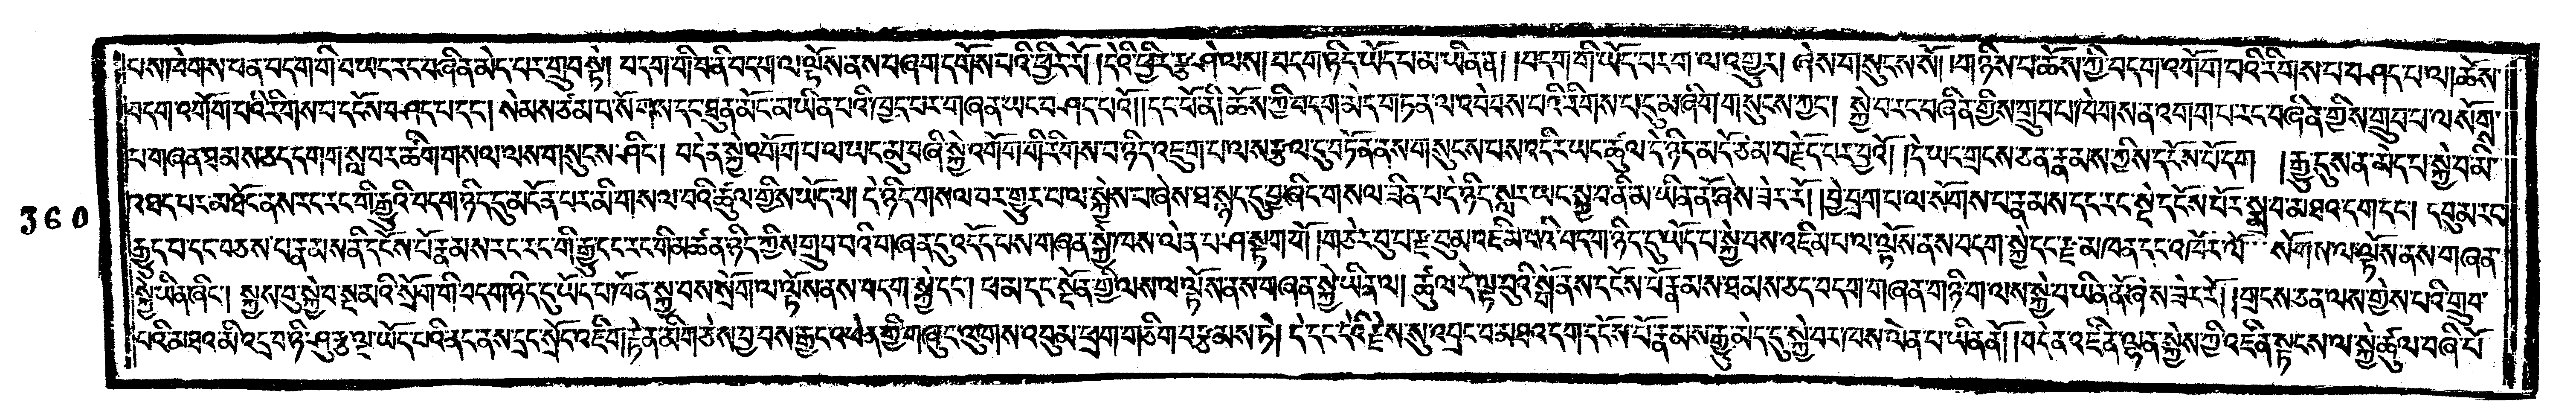པས་ཁེགས་པ་ན་བདག་གི་བ་ཡང་རང་བཞིན་མེད་པར་གྲུབ་སྟེ། བདག་གི་བ་ནི་བདག་ལ་ལྟོས་ནས་བཞག་དགོས་པའི་ཕྱིར་རོ། །དེའི་ཕྱིར་རྩ་ཤེ་ལས། བདག་ཉིད་ཡོད་པ་མ་ཡིན་ན། །བདག་གི་ཡོད་པར་ག་ལ་འགྱུར། ཞེས་གསུངས་སོ། །གཉིས་པ་ཆོས་ཀྱི་བདག་འགོག་པའི་རིགས་པ་བཤད་པ་ལ། ཆོས་
བདག་འགོག་པའི་རིགས་བ་དངོས་བཤད་པ་དང་། སེམས་ཙམ་པ་སོགས་དང་ཐུན་མོང་མ་ཡིན་པའི་ཁྱད་པར་གཞན་ཡང་བཤད་པའོ། །དང་པོ་ནི། ཆོས་ཀྱི་བདག་མེད་གཏན་ལ་འབེབས་པའི་རིགས་པ་དུ་མ་ཞིག་གསུངས་ཀྱང་། སྐྱེ་བ་རང་བཞིན་གྱིས་གྲུབ་པ་ཁེགས་ན་འགག་པ་རང་བཞིན་གྱིས་གྲུབ་པ་ལ་སོགས་
པ་གཞན་ཐམས་ཅད་དགག་སླ་བར་ཚིག་གསལ་ལས་གསུངས་ཤིང་། བདེན་སྐྱེ་འགོག་པ་ལ་ཡང་མུ་བཞི་སྐྱེ་འགོག་གི་རིགས་པ་ཉིད་འཇུག་པ་ལས་རྩལ་དུ་བཏོན་ནས་གསུངས་བས་འདིར་ཡང་ཚུལ་དེ་ཉིད་མདོ་ཙམ་རྗོད་པར་བྱའོ། །དེ་ཡང་གྲངས་ཅན་རྣམས་ཀྱིས་དངོས་པོ་དག །རྒྱུ་དུས་ན་མེད་པ་སྐྱེ་བ་མི་
འཐད་པར་མཐོང་ནས་རང་རང་གི་རྒྱུའི་བདག་ཉིད་དུ་མངོན་པར་མི་གསལ་བའི་ཚུལ་གྱིས་ཡོད་ལ། དེ་ཉིད་གསལ་བར་གྱུར་པ་ལ་སྐྱེས་པ་ཞེས་ཐ་སྙད་དུ་བྱ་ཞིང་གསལ་ཟིན་པ་དེ་ཉིད་སླར་ཡང་སྐྱེ་བ་ནི་མ་ཡིན་ནོ་ཞེས་ཟེར་རོ། །བྱེ་བྲག་བ་ལ་སོགས་པ་རྣམས་དང་རང་སྡེ་དངོས་པོར་སྨྲ་བ་མཐའ་དག་དང་། དབུམ་རང་
རྒྱུད་བ་དང་བཅས་པ་རྣམས་ནི་དངོས་པོ་རྣམས་རན་རང་གི་རྒྱུ་དང་རང་གི་མཚན་ཉིད་ཀྱིས་གྲུབ་པའི་གཞན་དུ་འདོད་པས་གཞན་སྐྱེ་ཁས་ལེན་པ་ཤ་སྟག་གོ །གཅེར་བུ་པ་རྫ་བུམ་འཛིམ་པའི་བདག་ཉིད་དུ་ཡོད་པ་སྐྱེ་བས་འཇིམ་པ་ལ་ལྟོས་ནས་བདག་སྐྱེ་དང་རྫ་མཁན་དང་འཁོར་ལོ་སོགས་ལ་ལྟོས་ནས་གཞན་
སྐྱེ་ཡིན་ཞིང་། སྐྱེས་བུ་སྐྱེ་བ་སྔ་མའི་སྲོག་གི་བདག་ཉིད་དུ་ཡོད་པ་ཁོ་ན་སྐྱ་བས་སྲོག་ལ་ལྟོས་ནས་བདག་སྐྱེ་དང་། ཕ་མ་དང་སྔོན་གྱི་ལས་ལ་ལྟོས་ནས་གཞན་སྐྱེ་ཡིན་ལ། ཚུལ་དེ་ལྟ་བུའི་སྒོ་ནས་དངོས་པོ་རྣམས་ཐམས་ཅད་བདག་གཞན་གཉི་ག་ལས་སྐྱེ་བ་ཡིན་ནོ་ཞེས་ཟེར་རོ། །གྲངས་ཅན་ལས་གྱེས་པའི་གྲུབ་
པའི་མཐའ་མི་འདྲ་བ་ཉི་ཤུ་རྩ་ལྔ་ཡོད་པའི་ནང་ནས་དྲང་སྲོང་འཇིག་རྟེན་མིག་ཅེས་བྱ་བས་རྒྱང་འཕེན་གྱི་གཞུང་ལུགས་འབུམ་ཕྲག་གཅིག་བརྩམས་ཏེ། དེ་དང་དེའི་རྗེས་སུ་འབྲང་བ་མཐའ་དག་དངོས་པོ་རྣམས་རྒྱུ་མེད་དུ་སྐྱེ་བར་ཁས་ལེན་པ་ཡིན་ནོ། །བདེན་འཛིན་ལྷན་སྐྱེས་ཀྱི་འཛིན་སྟངས་ལ་སྐྱེ་ཚུལ་བཞི་པོ་